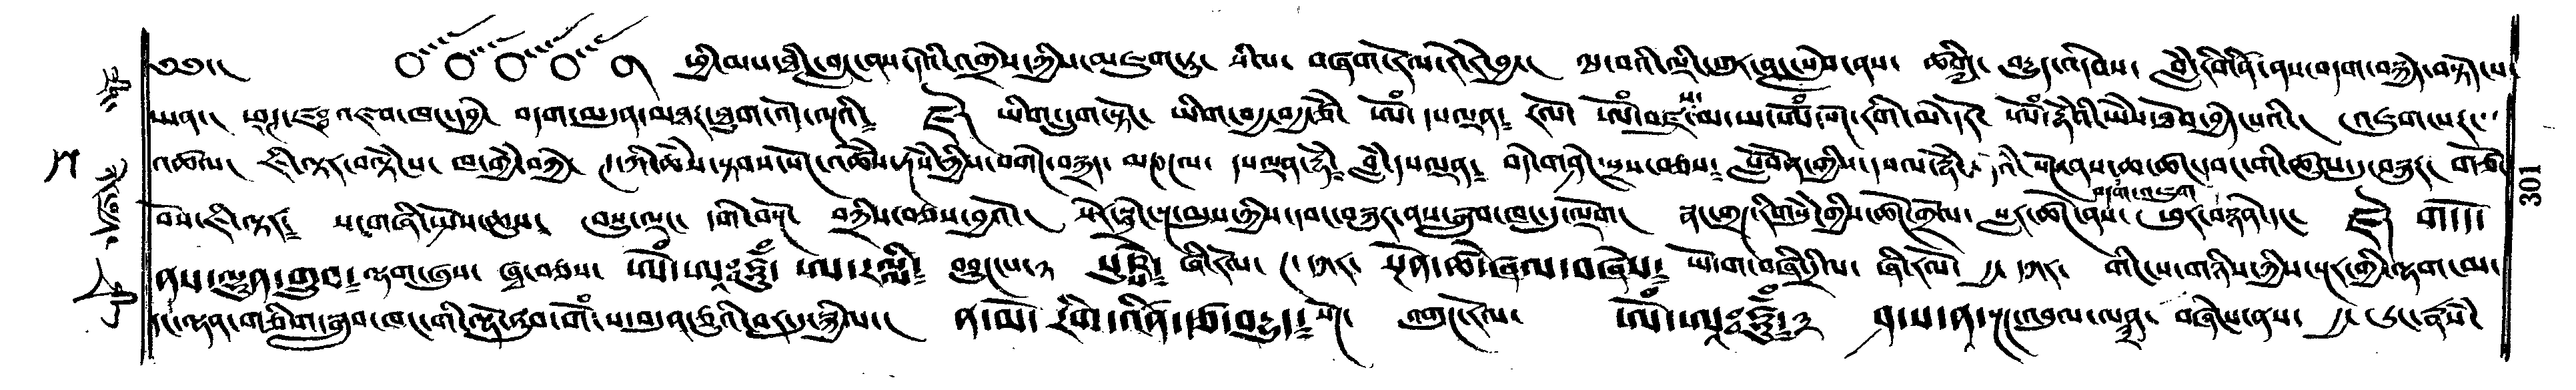ཕྱི་མས་ཐིང་བླངས་ནས་དེའི་འགྲེས་ཀྱིས་མཇུག་ཏུ། སིལ། བཞག་རོལ་རེ་རེ་བྱ། ལྭ་བའི་ལྡིང་གུར་ནང་སླེབ་ནས། ཚིག་བདུན། བརྒྱུད་འདེབས། བླ་མ་རིག་འཛིན༴ ནས་བདག་བསྐྱེད་བསྟོད་པ་
ཡན། ཕཊ་ཛཿ འཛཔྲ་ཁང་དབྱེ། བདག་མདུན་མཐར་ཐུག་འོད་ལྔའི༴ ཡིག་དྲུག་སྟོང་། ཡིག་བརྒྱ་བརྒྱ་ཙམ། ཨོཾ༔ དཔལ་ལྡན༴ རོལ་མོ། ཨོཾ་བཛྲ་ས་མ་ཡ་ཨོཾ༔ སོགས་རིག་མེ་དོར། ཨོཾ། རྡོ་རྗེ་ཡེ་ཤེས་ཐོབ་བྱེད་པའི༔ འཇུག་པར་
འཚལ། །ཇི་ལྟར་བལྟམས་པ༴ ཁ་ཊྭཱ་ག་བཀྱེ། ཊཀྐི་འཆམ་སྟབས་སོགས་འཚམས་རྔམས་ཀྱིས་བགེགས་བསྐྲད། མཎྜལ། དཔལ་ལྡན་རྡོ་རྗེ༴ བླ་མ་དཔལ་ལྡན༴ བདེ་གཤེགས་སྲས་བཅས༴ སློབ་དཔོན་གྱིས། དཔལ་རྡོ་རྗེ༴ སོགས་ནས་བདག་འཇུག ཆ་ཚང་དབང་གི་ཚུལ་དུ་བསྐུར། གཙོ་
བོས་ཇི་ལྟར༴ ས་གཞི་སྤོས་ཆུས༴ བསྡུ་ལྡང་། དགེ་བསྔོ། བཀྲ་ཤིས་བཅས་བྱའོ། །སེར་སྦྲེང་སྔ་མུས་ཀྱིས་དབང་བསྐུར་ནས་སྒྲུབ་ཁང་དུ་ལྡོག སྣང་གྲགས་རིག་གསུམ༴ གྱིས་ཚོགས་གྲོལ། སླར་ཚོགས་ནས། ཕུར་སྙེན་དང་། གདོད་
ནས་ལྷུན་གྲུབ༴ ལྷག་ཞུས། ཞྭ་བཅས། ཨོཾ་ཨཱཿཧཱུྃ། ཨ་རལླི༴ བཤུགས་པ་གཉིས། པུཥྤེ༴ ཞི་རོལ། ཌཱ། དཀར། སྔོན་ཚེ་ཞལ་བཞེས༴ ཡོ་ག་བཞི་དྲིལ། ཞི་རོལ། རྒྱ། དཀར། གིང་པ་གཉིས་ཀྱིས་སྔར་གྱི་ལྷག་མ་
དང་ལྷན་གཅིག་སྒྲུབ་ཁང་གི་ལྷོ་ནུབ་གོམ་པ་བདུན་ཅུའི་བར་དུ་བསྐྱལ། ན་མོ། རིག་འཛིན་རྩ་བརྒྱུད༴ སོགས། འགུགས་རོལ། ཨོཾ་ཨཱཿཧཱུྃ༴ གསུམ། ཤ་ས་ནཱ༴ སྔགས་འབུལ་ལན་གསུམ། བཞེངས་ནས། རྒྱ། དུང་རྣམས་